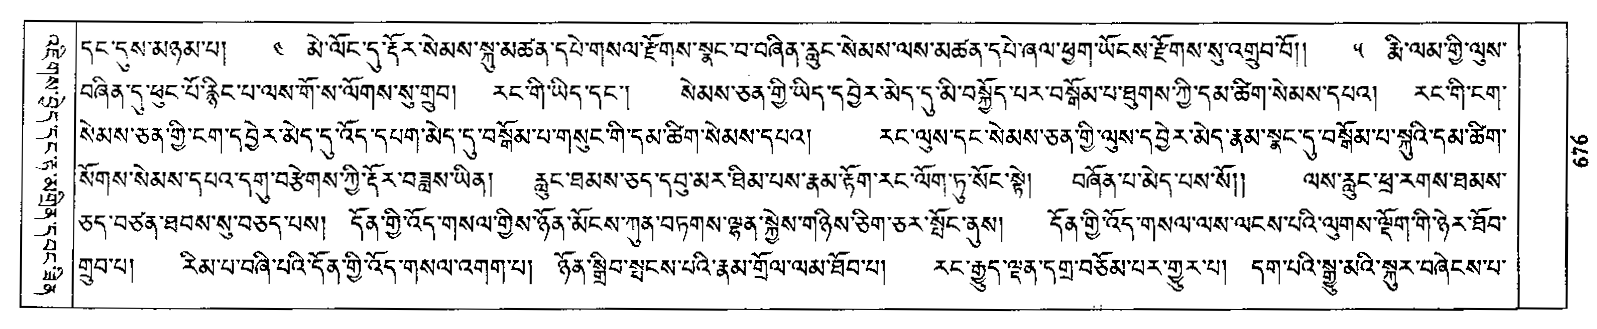དང་དུས་མཉམ་པ། ༤་མེ་ལོང་དུ་རྡོར་སེམས་སྐུ་མཚན་དཔེ་གསལ་རྫོགས་སྣང་བ་བཞིན་རླུང་སེམས་ལས་མཚན་དཔེ་ཞལ་ཕྱག་ཡོངས་རྫོགས་སུ་འགྲུབ་བོ།། ༥་རྨི་ལམ་གྱི་ལུས་
བཞིན་དུ་ཕུང་པོ་རྙིང་པ་ལས་གོ་ས་ལོགས་སུ་གྲུབ། རང་གི་ཡིད་དང་། སེམས་ཅན་གྱི་ཡིད་དབྱེར་མེད་དུ་མི་བསྐྱོད་པར་བསྒོམ་པ་ཐུགས་ཀྱི་དམ་ཚིག་སེམས་དཔའ། རང་གི་ངག་
སེམས་ཅན་གྱི་ངག་དབྱེར་མེད་དུ་འོད་དཔག་མེད་དུ་བསྒོམ་པ་གསུང་གི་དམ་ཚིག་སེམས་དཔའ། རང་ལུས་དང་སེམས་ཅན་གྱི་ལུས་དབྱེར་མེད་རྣམ་སྣང་དུ་བསྒོམ་པ་སྐུའི་དམ་ཚིག་
སོགས་སེམས་དཔའ་དགུ་བརྩེགས་ཀྱི་རྡོར་བཟླས་ཡིན། རླུང་ཐམས་ཅད་དབུ་མར་ཐིམ་པས་རྣམ་རྟོག་རང་ལོག་ཏུ་སོང་སྟེ། བཞོན་པ་མེད་པས་སོ།། ལས་རླུང་ཕྲ་རགས་ཐམས་
ཅད་བཙན་ཐབས་སུ་བཅད་པས། དོན་གྱི་འོད་གསལ་གྱིས་ཉོན་མོངས་ཀུན་བཏགས་ལྷན་སྐྱེས་གཉིས་ཅིག་ཅར་སྤོང་ནུས། དོན་གྱི་འོད་གསལ་ལས་ལངས་པའི་ལུགས་ལྡོག་གི་ཉེར་ཐོབ་
གྲུབ་པ། རིམ་པ་བཞི་པའི་དོན་གྱི་འོད་གསལ་འགག་པ། ཉོན་སྒྲིབ་སྤངས་པའི་རྣམ་གྲོལ་ལམ་ཐོབ་པ། རང་རྒྱུད་ལྡན་དགྲ་བཅོམ་པར་གྱུར་པ། དག་པའི་སྒྱུ་མའི་སྐུར་བཞེངས་པ་